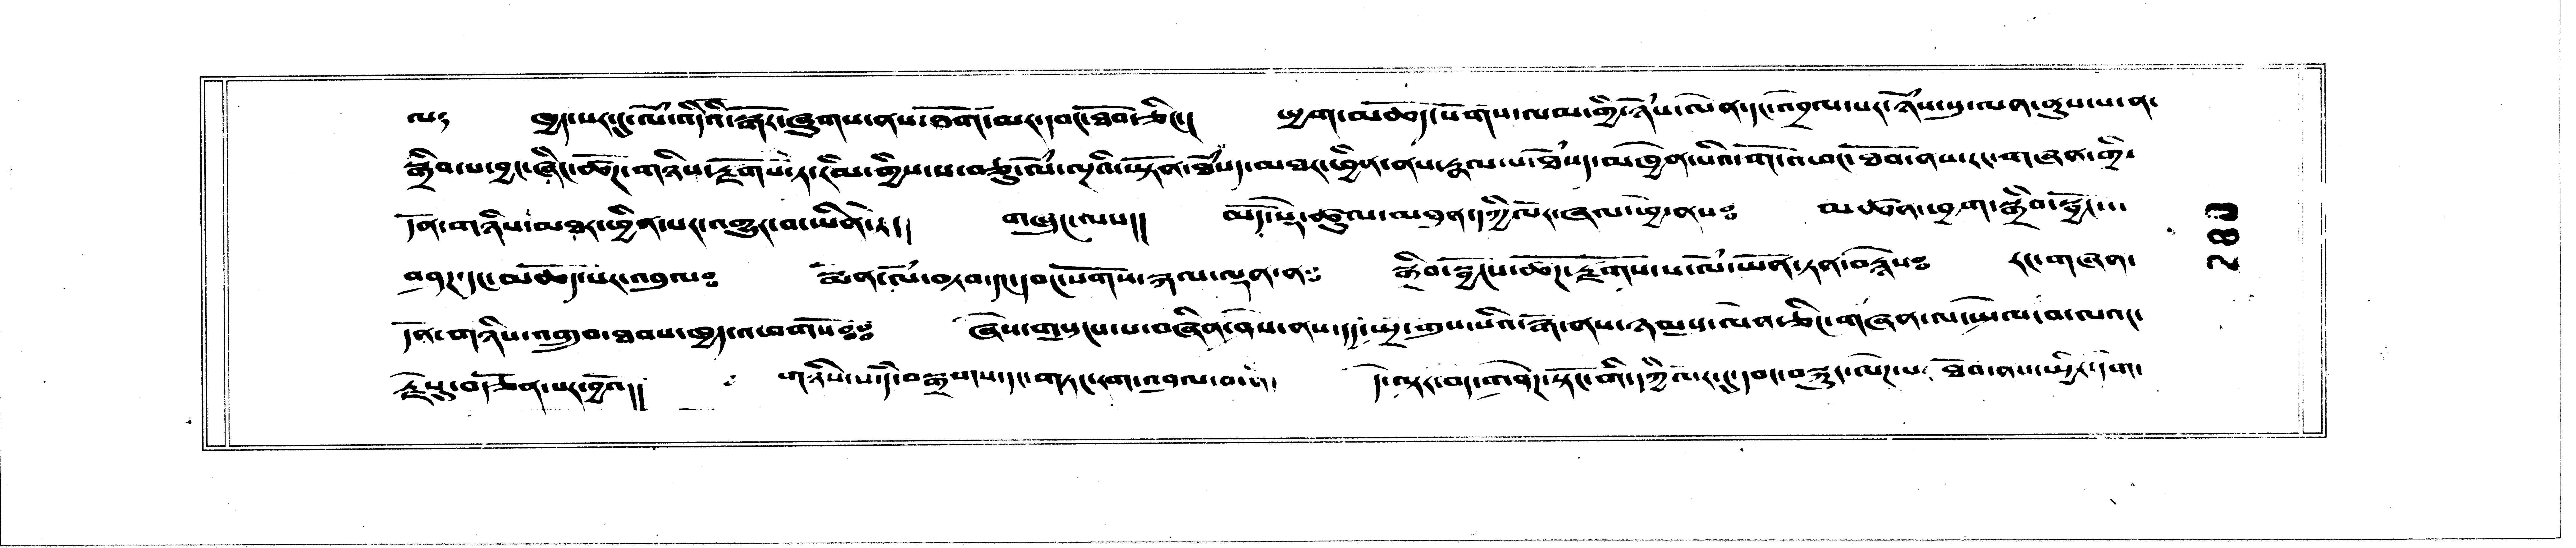ལ། ཁྱད་པར་དུ་ལམ་འདིའི་སྒོ་རུ་ཞུགས་ནས་ཐོག་མར་དབང་ཐོབ་ཅིང་། ཕྱག་མཆོད་སོགས་ལམ་གྱི་ཉམས་ལེན་དང་འབྲེལ་བར་ཉམས་སུ་ལེན་ནུས་པ་ན་
སྒྲིབ་པ་བྱང་ཞིང་ཚོགས་གཉིས་རྫོགས་ཏེ་རིམ་གྱིས་ས་བཅུ་ལམ་ལྔའི་ཡོན་ཏན་ཐམས་ཅད་མཐར་ཕྱིན་ནས་རྣམ་པ་ཐམས་ཅད་མཁྱེན་པའི་གོ་འཕང་ཐོབ་ནས་རང་གཞན་གྱི་
དོན་གཉིས་མཐར་ཕྱིན་པར་འགྱུར་བ་ཡིན་ཏེ། གཞུང་ལས། མདོ་སྡེ་ཚུལ་མཐུན་དཀྱིལ་འཁོར་ཞལ་ཕྱེ་ནས། མཚན་ཕྱག་སྒྲིབ་སྦྱང་
བཤགས་དང་མཆོད་པ་འབུལ། སྨོན་ལམ་བཏབ་དང་དབང་སོགས་སྐལ་ལྡན་ན། སྒྲིབ་སྦྱང་ཚོགས་རྫོགས་ས་ལམ་ཡོན་ཏན་བརྙེས། རང་གཞན་
དོན་གཉིས་འགྲུབ་ཐབས་ཁྱད་འཕགས་སོ།། ཞེས་གསུངས་པ་བཞིན། ཤེས་ནས་དད་སྤྲོ་གུས་པའི་སྒོ་ནས་ཉམས་སུ་ལེན་ཅིང་གཞན་ལ་སྤེལ་བ་ལའང་
རྗེས་སུ་བརྩོན་པར་བྱའོ།། གཉིས་པ་དམ་བསྒྲགས་དང་གཏང་རག་འབུལ་བ་ནི། དེ་ལྟར་བདེར་གཤེགས་སྟོང་གི་དཀྱིལ་འཁོར་དུ་དབང་བསྐུར་ལེགས་པར་ཐོབ་ནས་སྤྱིར་དགེ་